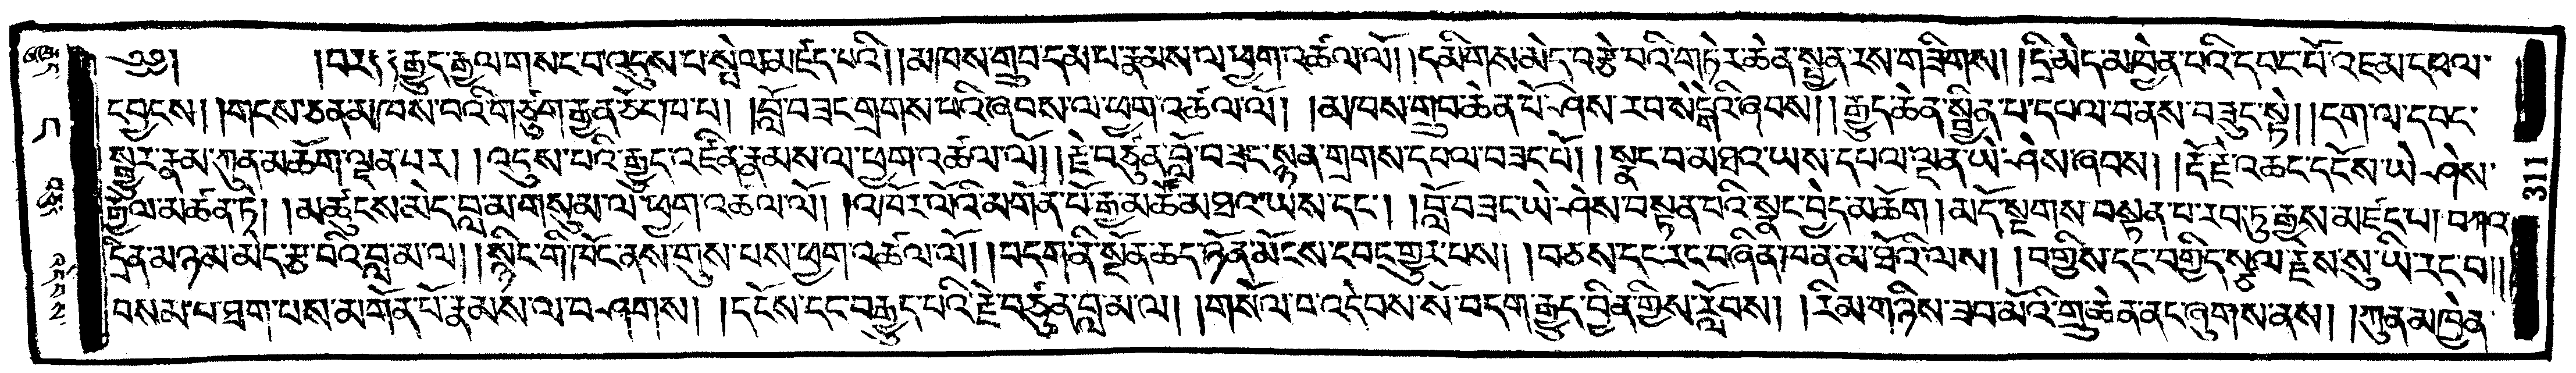༄༅། །བར། །རྒྱུད་རྒྱལ་གསང་བ་འདུས་པ་སྤེལ་མཛད་པའི། །མཁས་གྲུབ་དམ་པ་རྣམས་ལ་ཕྱག་འཚལ་ལོ། །དམིགས་མེད་བརྩེ་བའི་གཏེར་ཆེན་སྤྱན་རས་གཟིགས། །དྲི་མེད་མཁྱེན་པའི་དབང་པོ་འཇམ་དཔལ་
དབྱངས། །གངས་ཅན་མཁས་པའི་གཙུག་རྒྱན་ཙོང་ཁ་པ། །བློ་བཟང་གྲགས་པའི་ཞབས་ལ་ཕྱག་འཚལ་ལོ། །མཁས་གྲུབ་ཆེན་པོ་ཤེས་རབ་སེངྒེའི་ཞབས། །རྒྱུད་ཆེན་སྦྱིན་པ་དཔལ་བ་ནས་བཟུང་སྟེ། །དག་ལ་དབང་
སྒྱུར་རྣམ་ཀུན་མཆོག་ལྡན་པར། །འདུས་པའི་རྒྱུད་འཛིན་རྣམས་ལ་ཕྱག་འཚལ་ལོ། །རྗེ་བཙུན་བློ་བཟང་སྙན་གྲགས་དཔལ་བཟང་པོ། །སྣང་བ་མཐའ་ཡས་དཔལ་ལྡན་ཡེ་ཤེས་ཞབས། །རྡོ་རྗེ་འཆང་དངོས་ཡེ་ཤེས་
རྒྱལ་མཚན་ཏེ། །མཚུངས་མེད་བླ་མ་གསུམ་ལ་ཕྱག་འཚལ་ལོ། །འཁོར་ལོའི་མགོན་པོ་རྒྱ་མཚོ་མཐའ་ཡས་དང་། །བློ་བཟང་ཡེ་ཤེས་བསྟན་པའི་སྣང་བྱེད་མཆོག །མདོ་སྔགས་བསྟན་པ་རབ་ཏུ་རྒྱས་མཛད་པ། བཀའ་
དྲིན་མཉམ་མེད་རྩ་བའི་བླ་མ་ལ། །སྙིང་གི་ཁོང་ནས་གུས་པས་ཕྱག་འཚལ་ལོ། །བདག་ནི་སྔོན་ཆད་ཉོན་མོངས་དབང་གྱུར་པས། །བཅས་དང་རང་བཞིན་ཁ་ན་མ་ཐོའི་ལས། །བགྱིས་དང་བགྱིད་སྩལ་རྗེས་སུ་ཡི་རང་བ། །
བསམ་པ་ཐག་པས་མགོན་པོ་རྣམས་ལ་བཤགས། །དངོས་དང་བརྒྱུད་པའི་རྗེ་བཙུན་བླ་མ་ལ། །གསོལ་བ་འདེབས་སོ་བདག་རྒྱུད་བྱིན་གྱིས་རློབས། །རིམ་གཉིས་ཟབ་མོའི་གྲུ་ཆེན་ནང་ཞུགས་ནས། །ཀུན་མཁྱེན་